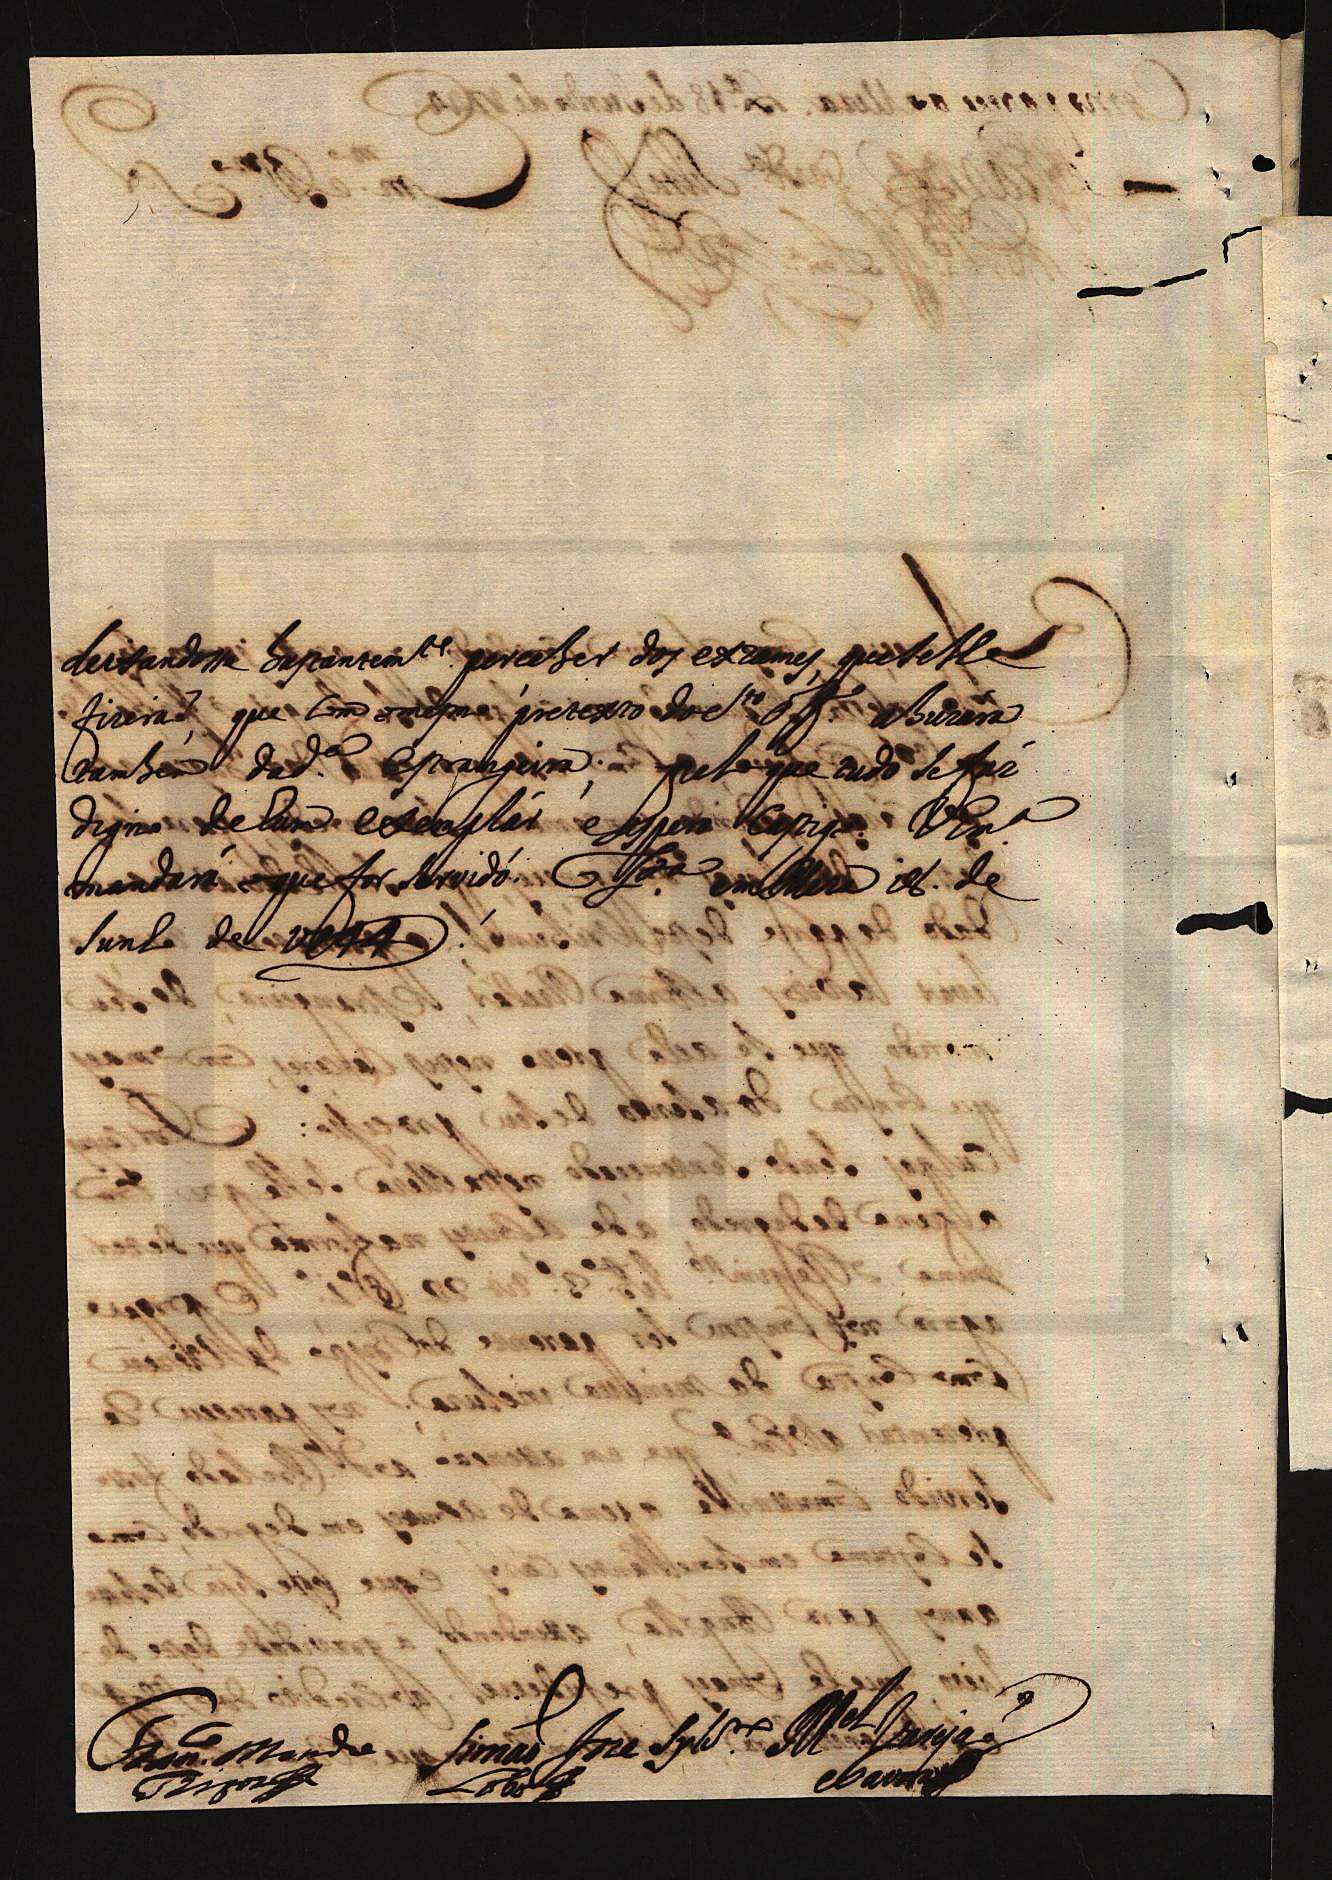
deixandosse bastantem.te perceber dos exzames que se lhe
fizeraõ, que com o mesmo pretexto do S.to Off.o abuzara
tambem da d.a estrangeira; pelo que tudo se faz
digno de hum exemplar e aspero castigo. V Em.a
mandará o que for servido. Lx.a em Meza 18. de
Iunho de 1744!
Simaõ Joze Syl.ro M.el Varejaõ
Fran.co Mendo
Trigozo
e Tavora
Lobo
